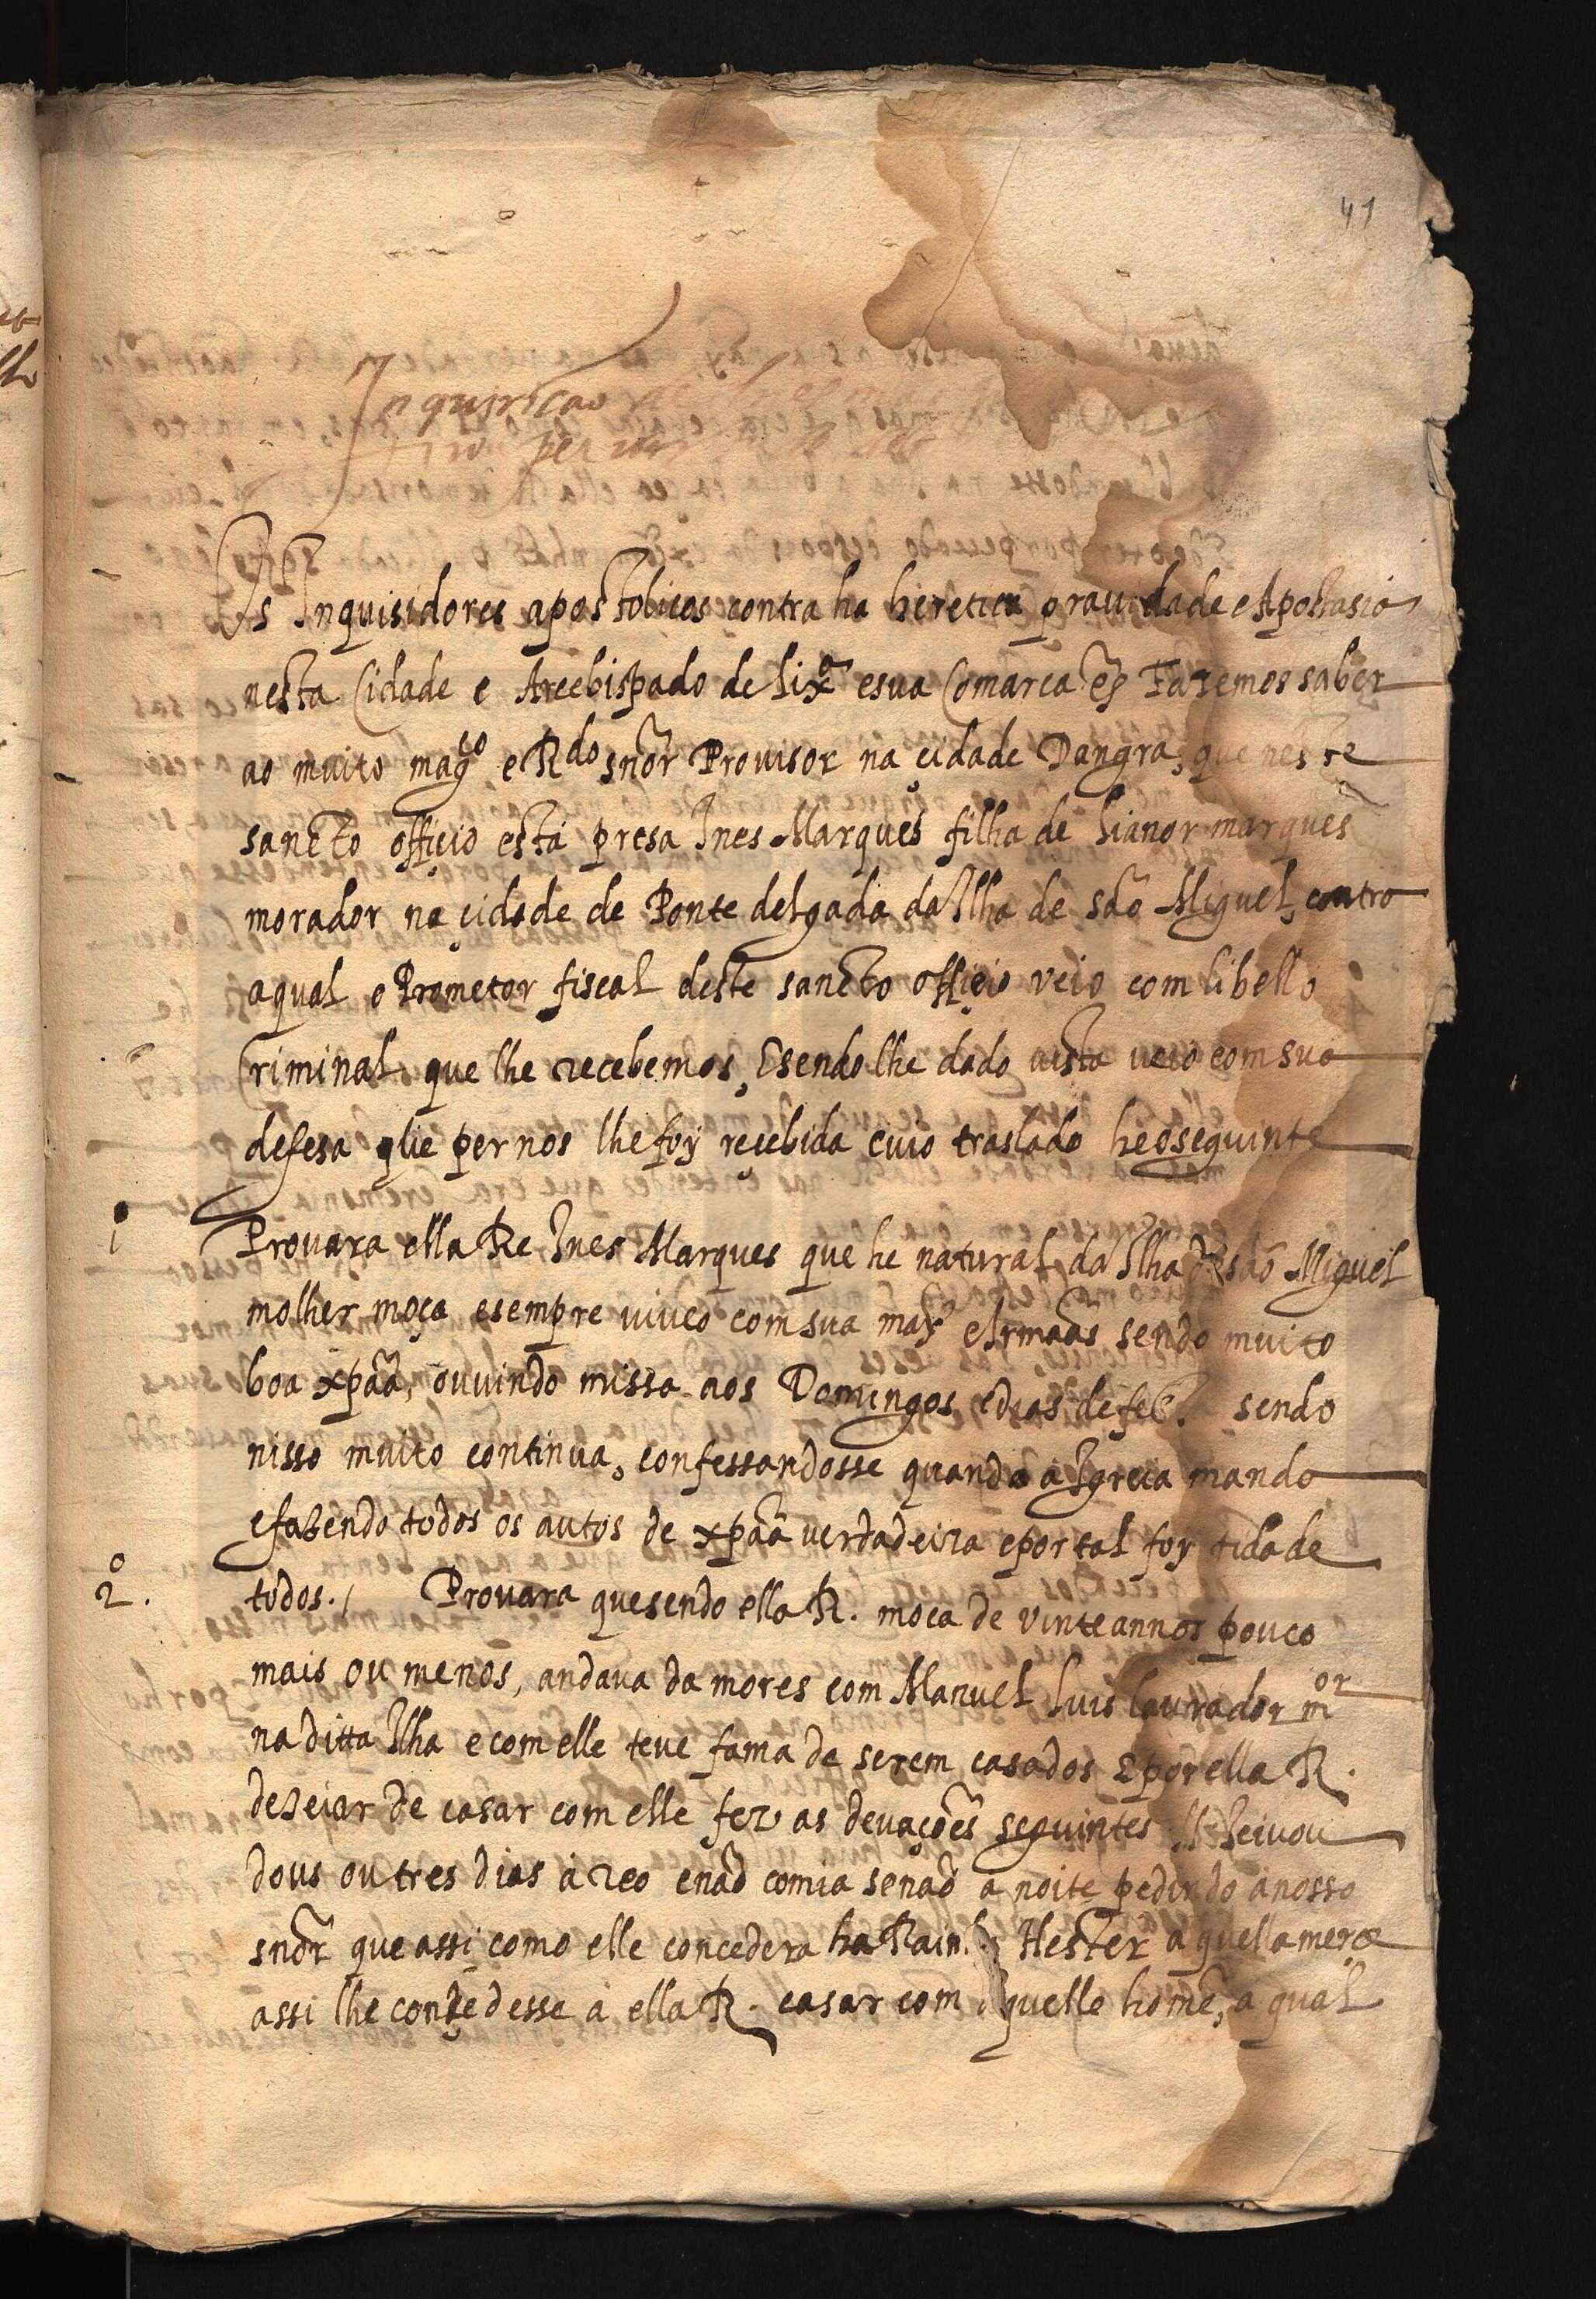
Jnquirição
tirou per
Os Inquisidores apostolicos contra ha heretica prauidade e Apostasia
nesta Cidade e Arcebispado de lixa e sua Comarca ēꝭ Fazemos saber
ao muito magco e Rdo snōr Prouisor na cidade Dangra, que neste
sancto officio esta presa Ines Marques filha de Lianor marques
morador na cidade de Ponte delgada da Ilha de são Miguel, contra
a qual o Prometor fiscaL deste sancto officio veio com libello
Criminal que lhe recebemos, E sendo lhe dado uista ueio com sua
defesa que per nos lhe foy recebida cuio traslado he o seguinte
Prouara ella Re Ines Marques que he naturaL da Ilha de são MigueL
molher moça e sempre uiueo com sua may e Irmāas sendo muito
boa xpaā, ouuindo missa aos Domingos e dias de fee. sendo
nisso muito continua confessandosse quando a Igreia manda
e fazendo todos os autos de xpaā uerdadeira e por tal foy tida de
2º.
todos ./ Prouara que sendo ella R. moça de vinte annos pouco
mais ou menos, andaua damores com Manuel luis laurador mor
na ditta Ilha e com elle teue fama de serem casados E por ella R.
deseiar de casar com elle fez as deuações seguintes ss Ieiuou
dous ou tres dias a reo e não comia senão a noite pedindo a nosso
snōr que assi como elle concedera ha Rain_ Hester aquella merce
assi lhe concedesse a ella R. casar com _quelle homē, a quaL
